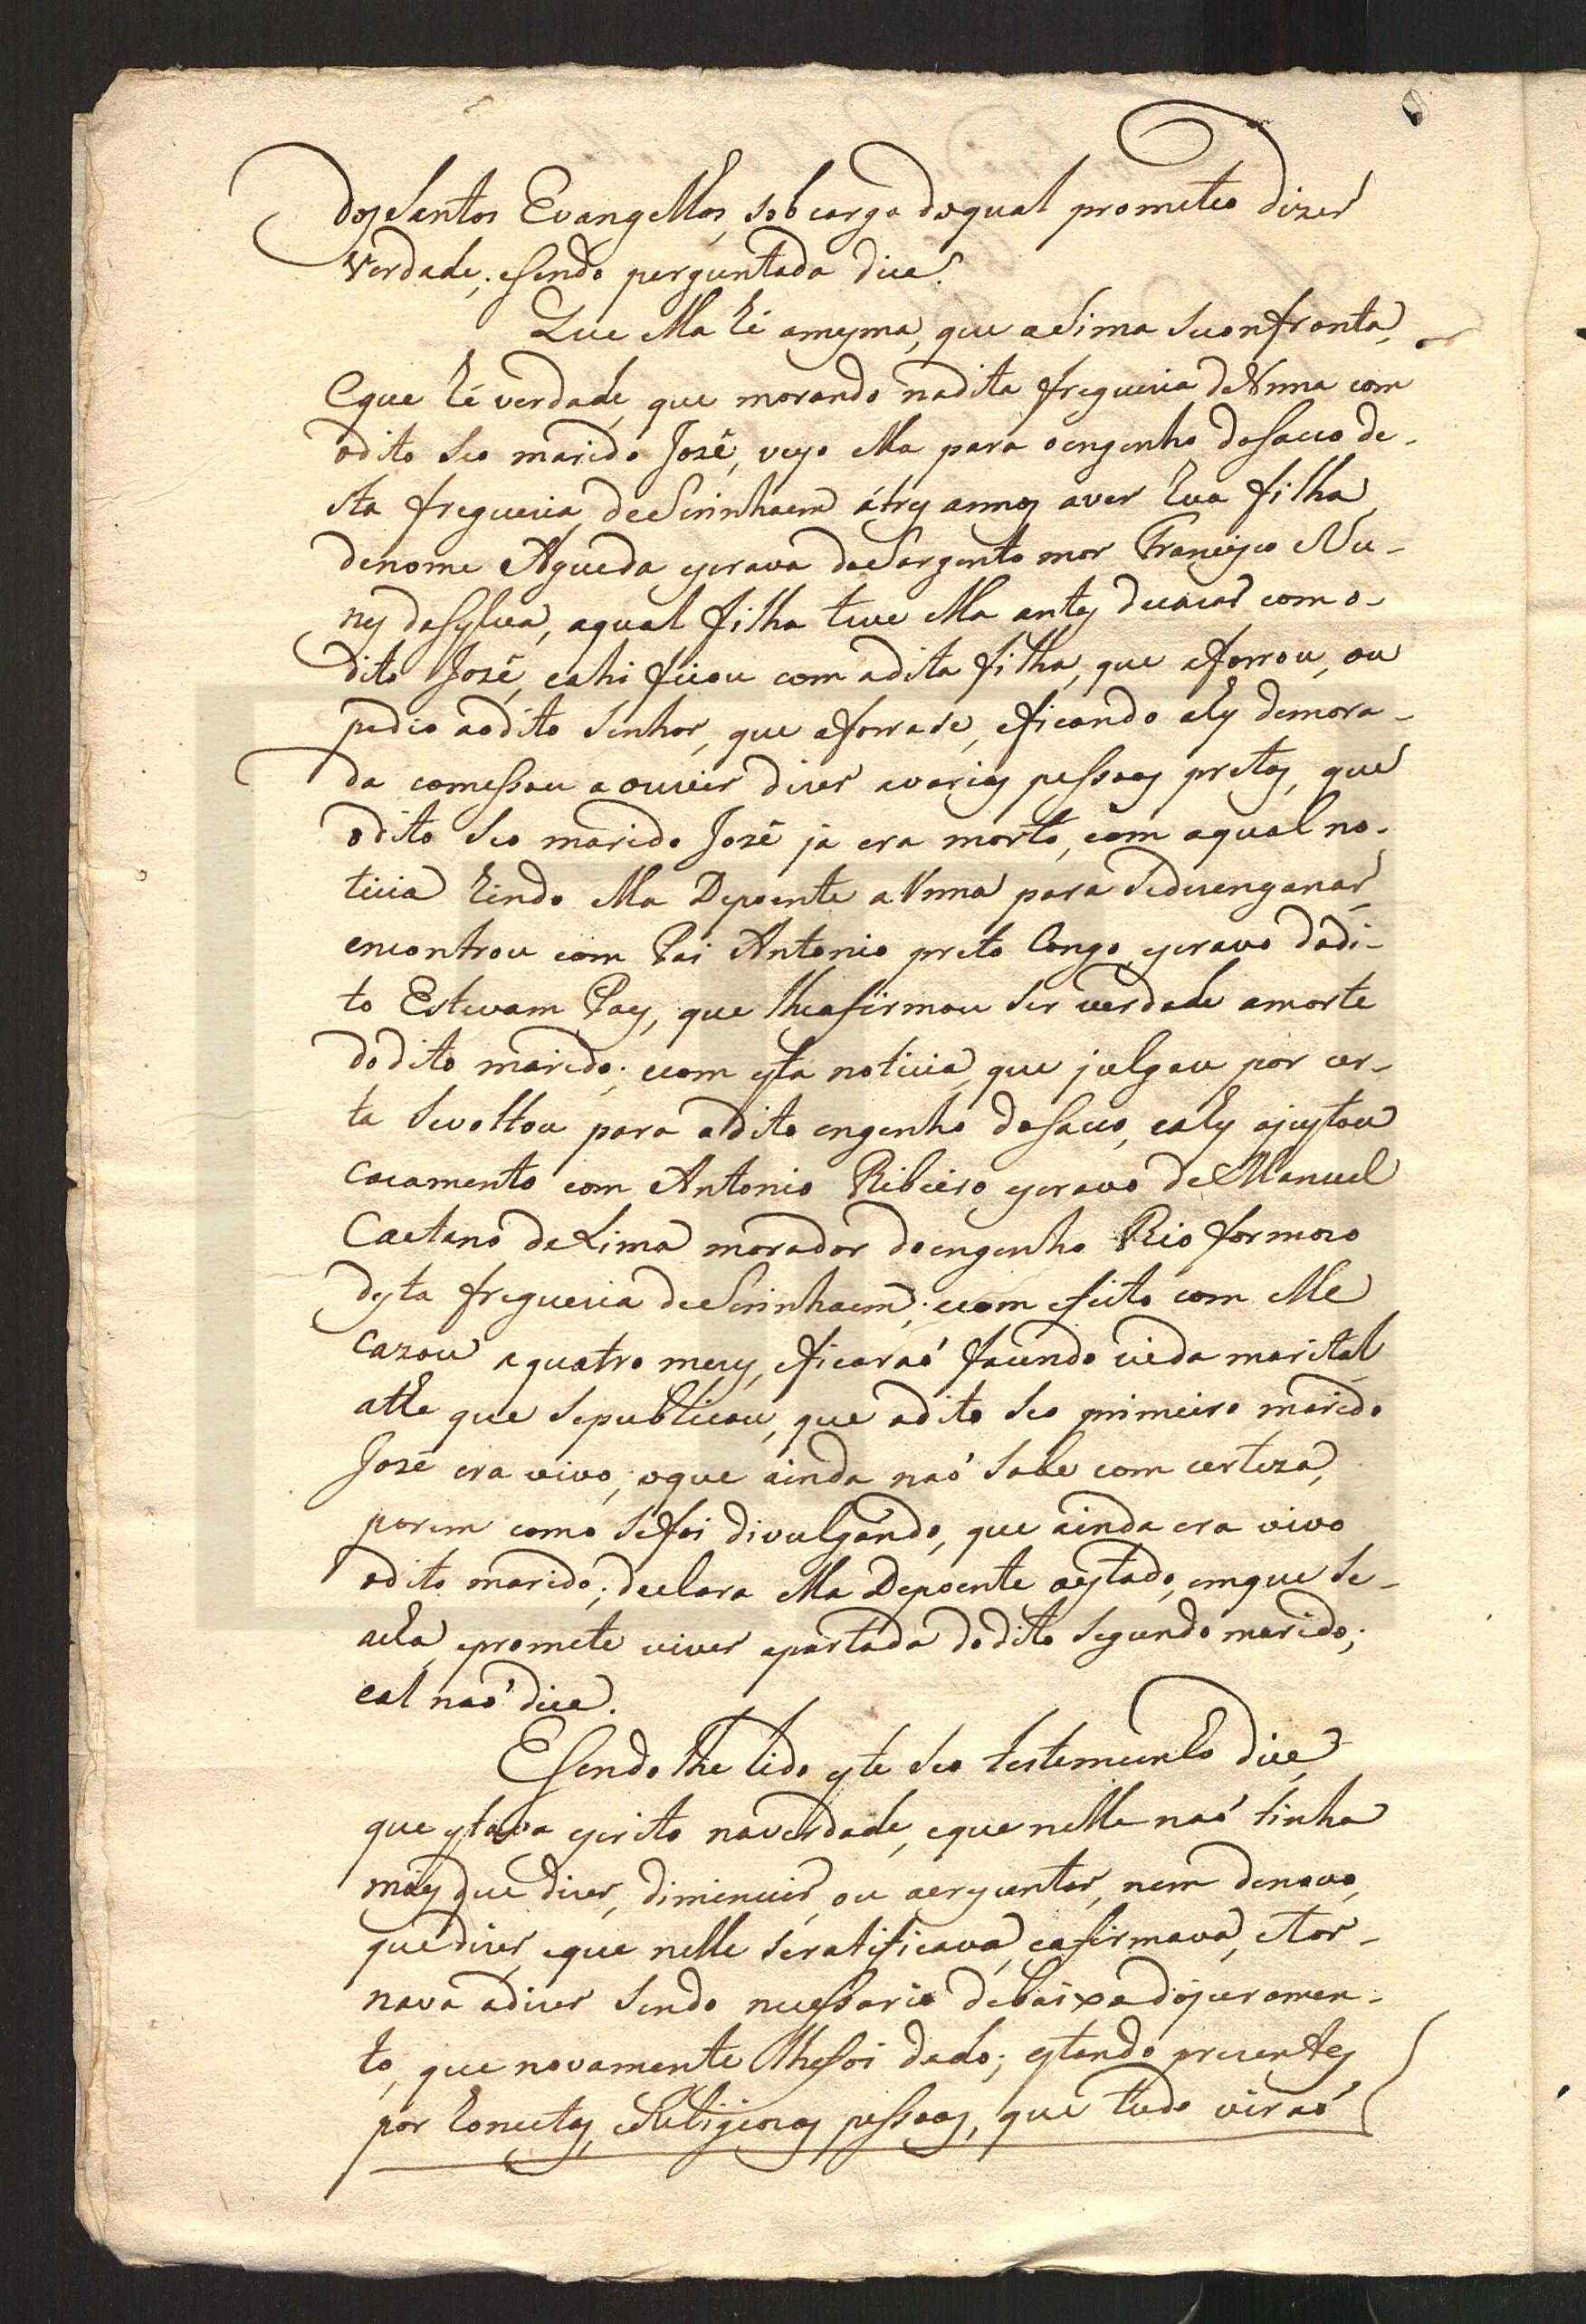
dos santos Evangelhos, sobcargo do qual pometeo dizer
verdade; e sendo perguntada dice.
Que ella hé a mesma, que asima se confronta,
e que hé verdade, que morando na dita freguezia de Vnna com
o dito Seo marido Jozê, veyo ella para o engenho do sacco de
esta freguezia de Serinhaem á tres annos a ver hua filha
de nome Agueda escrava do Sargento mor Francisco Nu
nes da sylva, a qual filha teve ella antes de cazar com o
dito Jozê, e ahi ficou com a dita filha, que aforrou, ou
pedio ao dito senhor, que aforrase, e ficando ahy demora
da comessou a ouvir dizer a varias pessoas pretos, que
o dito seo marido Jozê ja era morto, com a qual no
ticia hindo ella Depoente a Vnna para se dezenganar
encontrou com Pai Antonio preto Congo escravo do di
to Estevam Paes, que lhe afirmou ser verdade a morte
do dito marido; e com esta noticia, que julgou por cer
ta Se voltou para o dito engenho do sacco, e ahy ajustou
cazamento com Antonio Ribeiro escravo de Manuel
Caetano de Lima morador do engenho Rio formozo
desta freguezia de Serinhaem; e com efeito com elle
cazou a quatro mezes, e ficaraõ fazendo vida marital
athe que sepublicou, que o dito seo primeiro marido
Jozé era vivo, o que ainda naõ sabe com certeza,
porem como se foi divulgando, que ainda era vivo
o dito marido; declara ella Depoente o estado, em que se
acha, e promete viver apartada do dito segundo marido;
e al naõ dice.
E sendo lhe lido este seo testemunho dice,
que estava escrito na verdade, e que nelle naõ tinha
mais que dizer, diminuir, ou acrescentar, nem de novo,
que dizer, e que nelle se ratificava, e afirmava, e tor
nava a dizer sendo necessario debaixo do juramen
to, que novamente lhe foi dado; estando prezentes
por honestas, e Religiozas pessoas, que tudo viraõ
